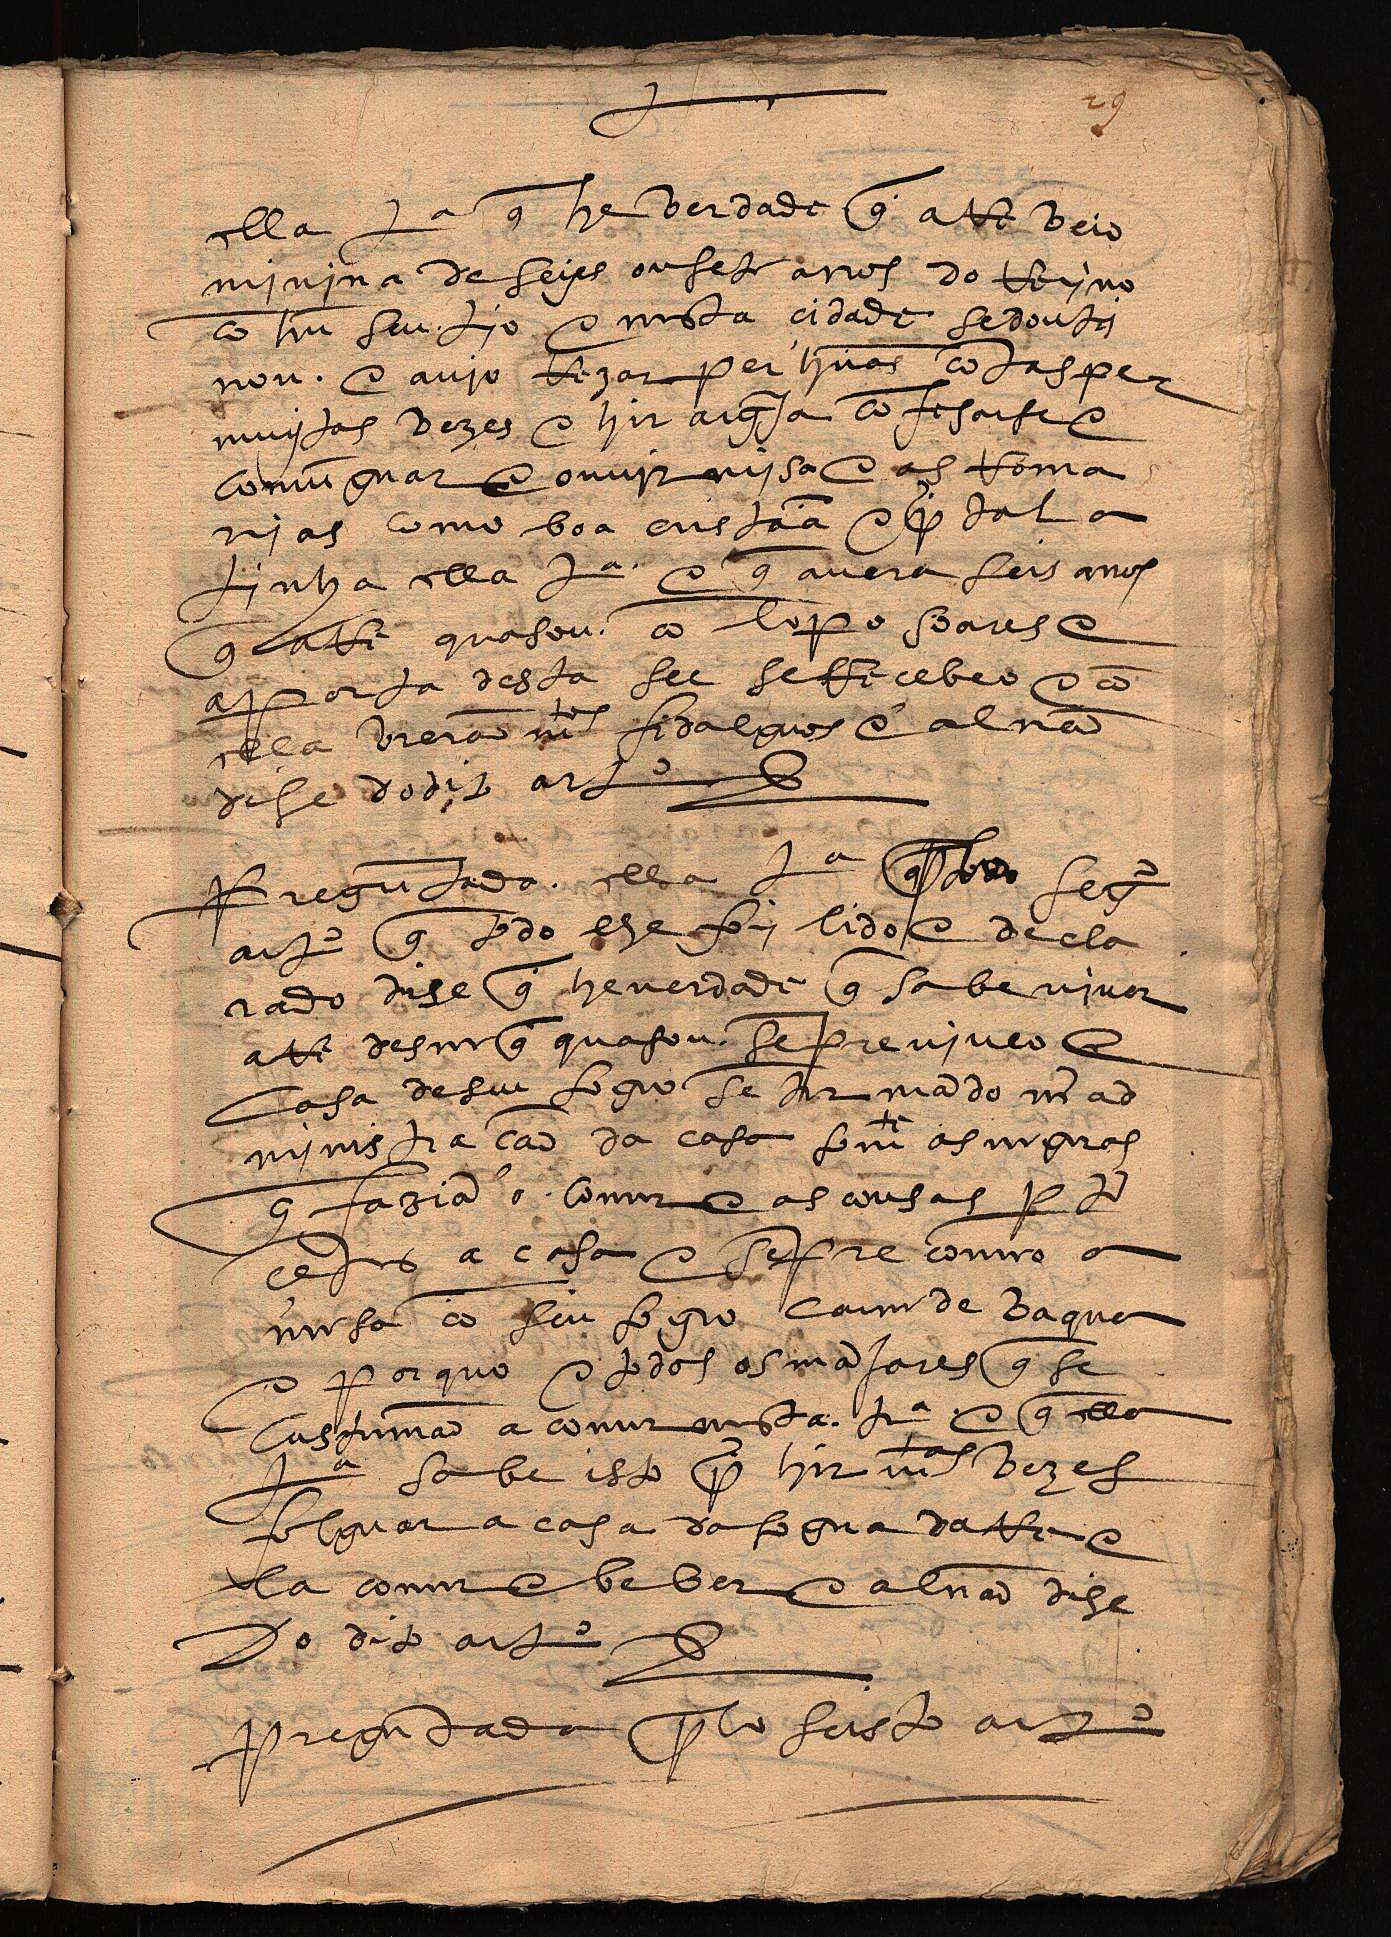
ella ta q̄ he verdade q̄ a Re veio
mjnjna de seys ou sete anos do Reyno
c̄o hū seu tjo e nesta çidade se doutrj
nou . e a ujo Rezar per hūas c̄otas per
muytas vezes e hir a iḡJa c̄ofesarse e
comūgar e ouujr mjsa e as Roma
ryas como boa cristaā e p̄o tal a
tjnha ella ta . e q̄ auera seis anos
q̄ a Re quasou c̄o lopo soares e
a porta desta see se Reçebeo e c̄o
ella vierão mtos fidalguos e al não
dise do dito arto
Pregūtada . ella ta p̄lo sego
arto q̄ todo lhe foy lido e decla
rado dise q̄ he uerdade q̄ sabe ujuer
a Re desne q̄ quasou s̄epre ujueo ē
Casa de seu sogro s̄e ter mādo nē ad
mjnistração da casa somte as negras
q̄ faziā o comer e as cousas ꝑtē
çētes a casa e s̄epre comeo a
mesa c̄o seu sogro carne de vaqua
e porquo e todos os māJares q̄ se
Custumão comer nesta tra e q̄ ella
ta sabe isto p̄o hir mtas vezes
folguar a casa da sogra da Re e
la comer e beber e al não dise
Do dito arto
Pregūtada p̄lo seisto arto
